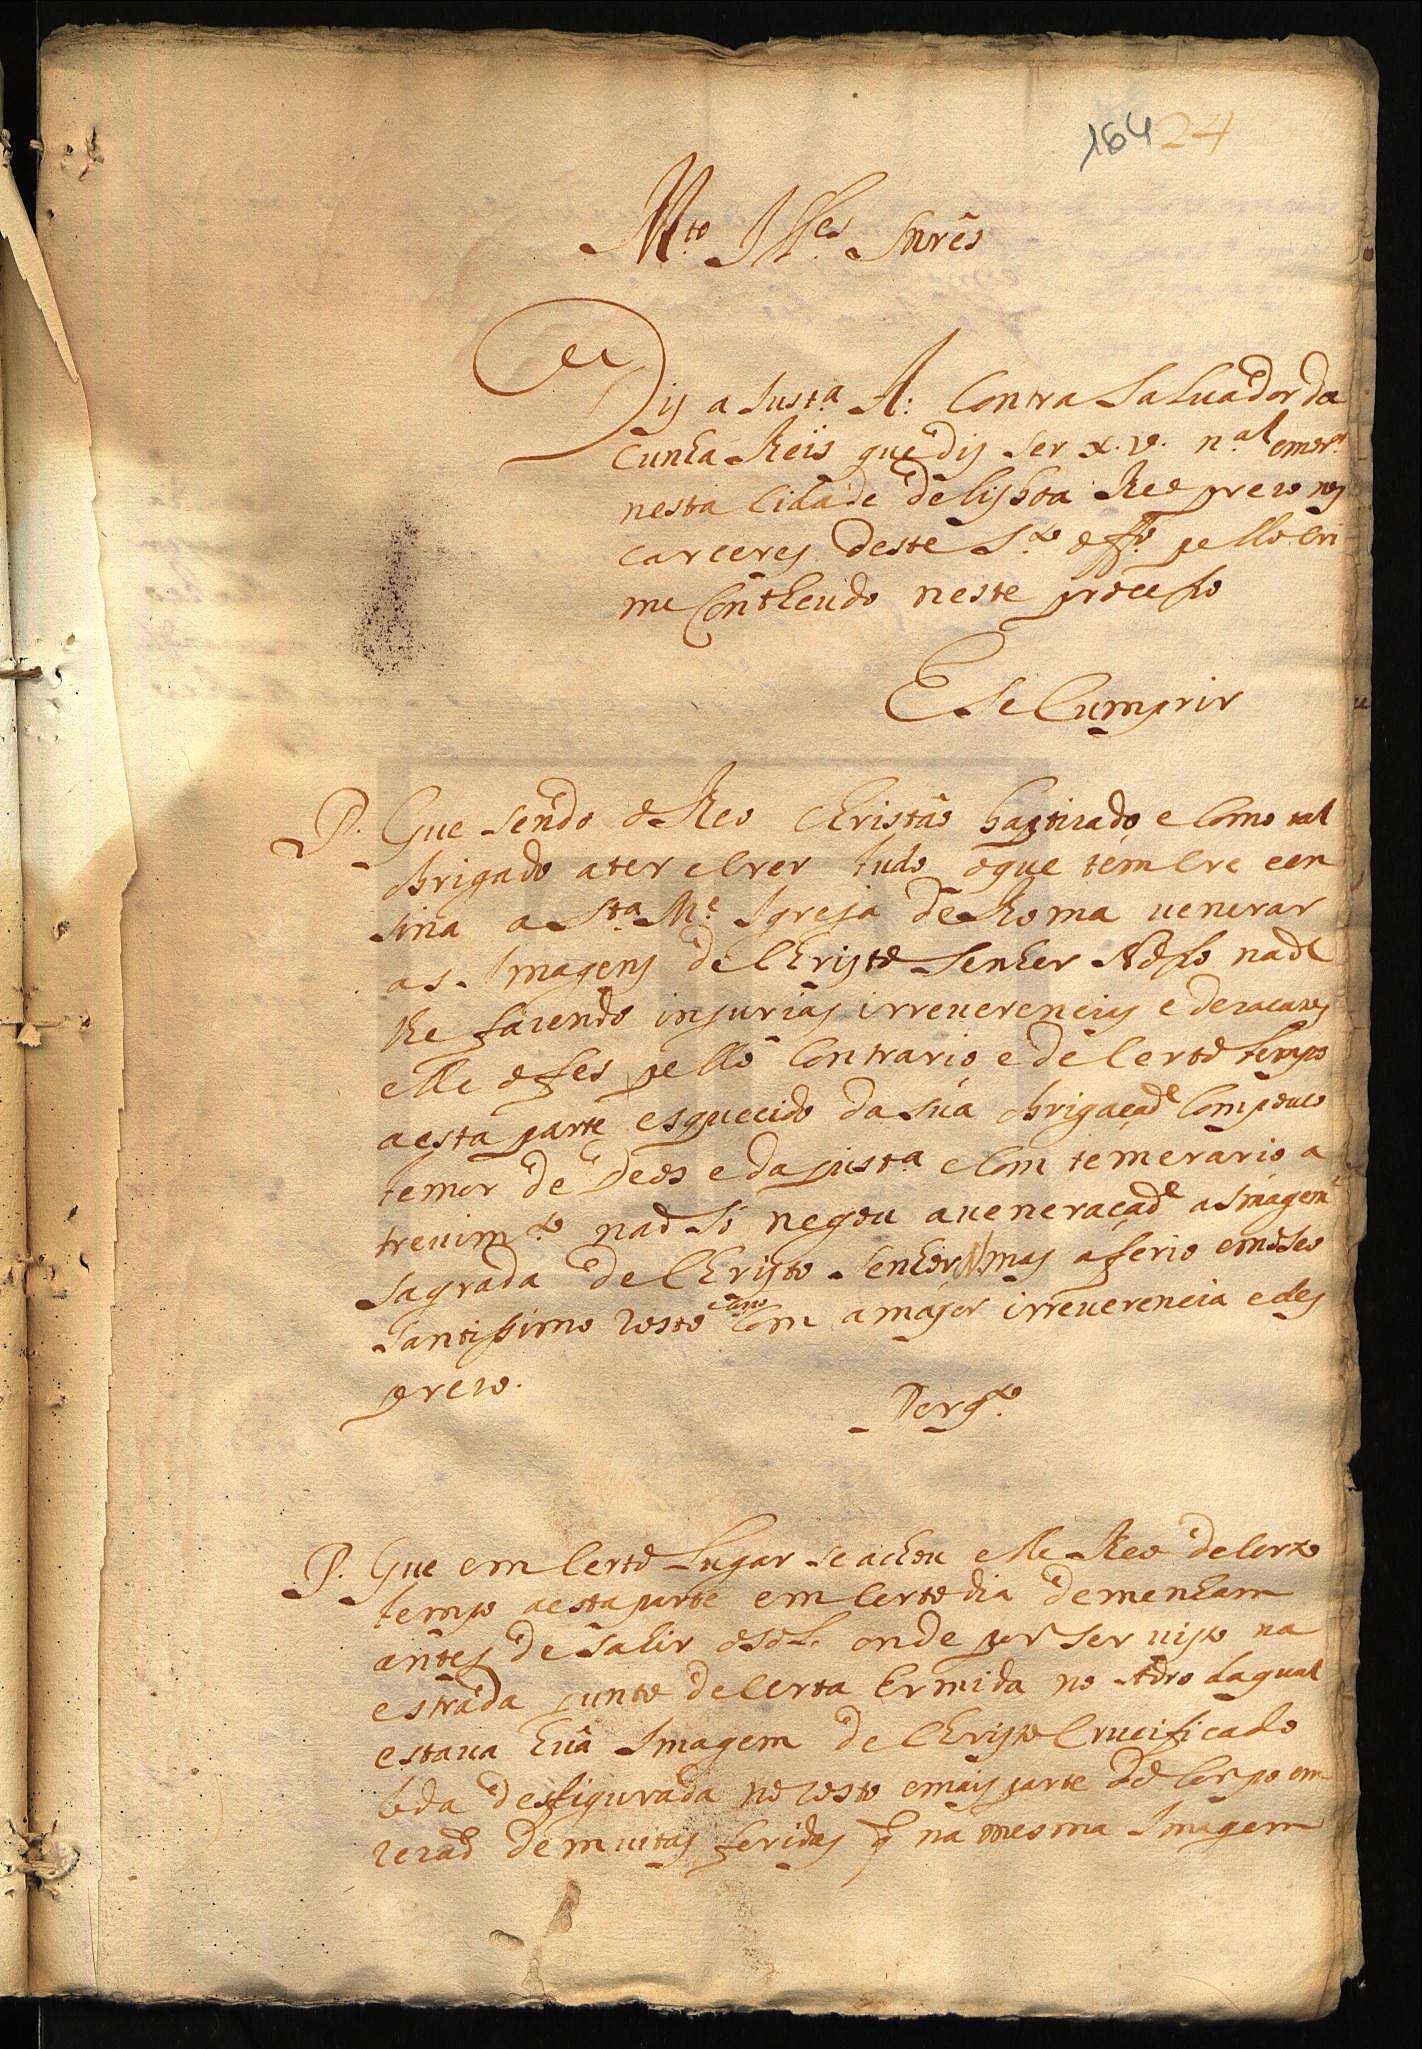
24.
M.to Ill.es Snrēs
Dis a Iust.a A: Contra Saluador da
cunha Reis que dis ser x. v. n.al e mor.
nesta Cidade de lisboa Reo prezo nos
carceres deste s.to off.o pello cri
me Contheudo neste processo
E se Cumprir
P. Que sendo o Reo christaõ baptizado, e Como tal
obrigado a ter e crer tudo o que tem cre e en
sina a S.ta M.e Igreja de Roma uenerar
as Imagens de Christo Senhor Nosso naõ
lhe fazendo injurias irreuerencias e dezacatos
elle o fes pello contrario, e de certo tempo
a esta parte esquecido da sua obrigaçaõ Com pouco
temor de Deos e da just.a e com temerario a
treuim.to naõ só negou a ueneraçaõ a Imagem
sagrada de Christo senhor N. mas aferio em o seo
santissimo rosto e corpo com a mayor irreuerencia e des
prezo.
Porq.to
P. Que em Certo Lugar se achou elle Reo de certo
tempo a esta parte em certo dia de menham
antes de sahir o sol onde por ser uisto na
estrada junto de certa Ermida no Adro da qual
estaua huā Imagem de Christo Crucificado
toda desfigurada no rosto e mais parte do Corpo em
rezaõ de muitas feridas q̄ na mesma Imagem
